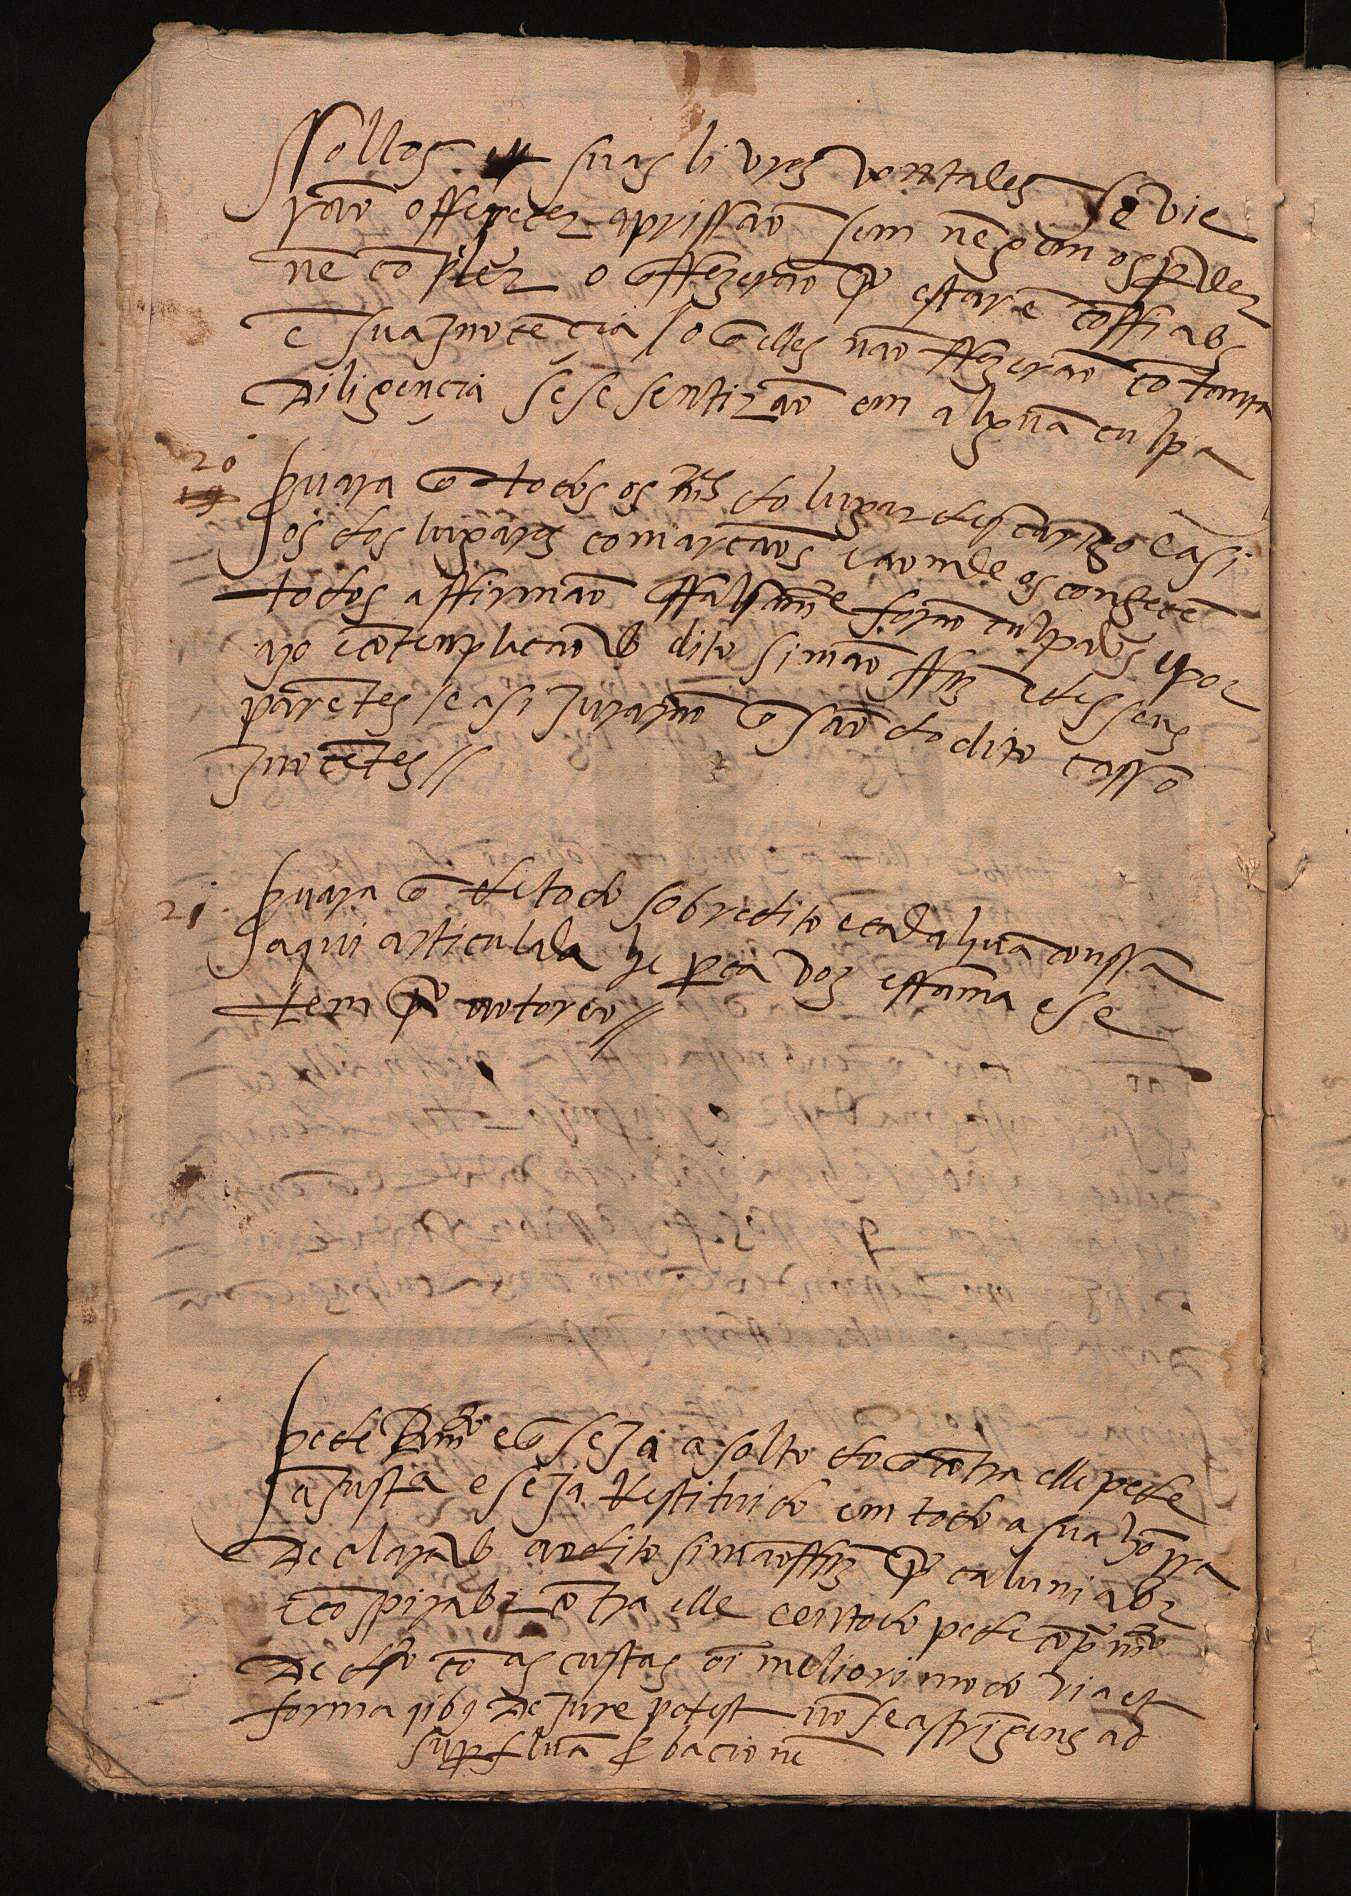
ssoltos e ꝑ suas livres vontades se vie
rão offereçer a prissaõ sem nēgem os ꝑ̄der
nē cōpter o q̄ ffezerão p̄o estarē cōffiados
ē sua Jnocēçia / o q̄ elles não ffezerão c̄o tanta
Diligençia se se sentirão em algūa culpa
20
ꝓuara q̄ todos os mres do lugar descarigo e asi
os dos lugares comarcãos e aomde os conheçē
todos affirmão ffalsamte foraõ culpados e por
azo ē cōtenplacaõ do dito simão ffrz̄ e dos seus
parētes / e asi Juraraõ q̄ saõ do dito casso
Jnocētes //
2j. ꝓuara q̄ de todo sobredito e cada huā coussa
aqui articulada he ꝓca voz e ffama e se
tem p̄o notorio //
pede Rmto e q̄ seJa asolto do q̄ cōtra elle pede
a Justa e seJa Restituido em todo a sua hōrra
Declarādo ao dito simão ffrrz̄ p̄o caluniador
e cōspirador c̄otra elle e en todo pede c̄op̄mto
De drto cō as custas ōi meliori modo via et
forma qibꝯ De Jure potest nō se astrīgens ad
suꝑfluā ꝓbacionē
